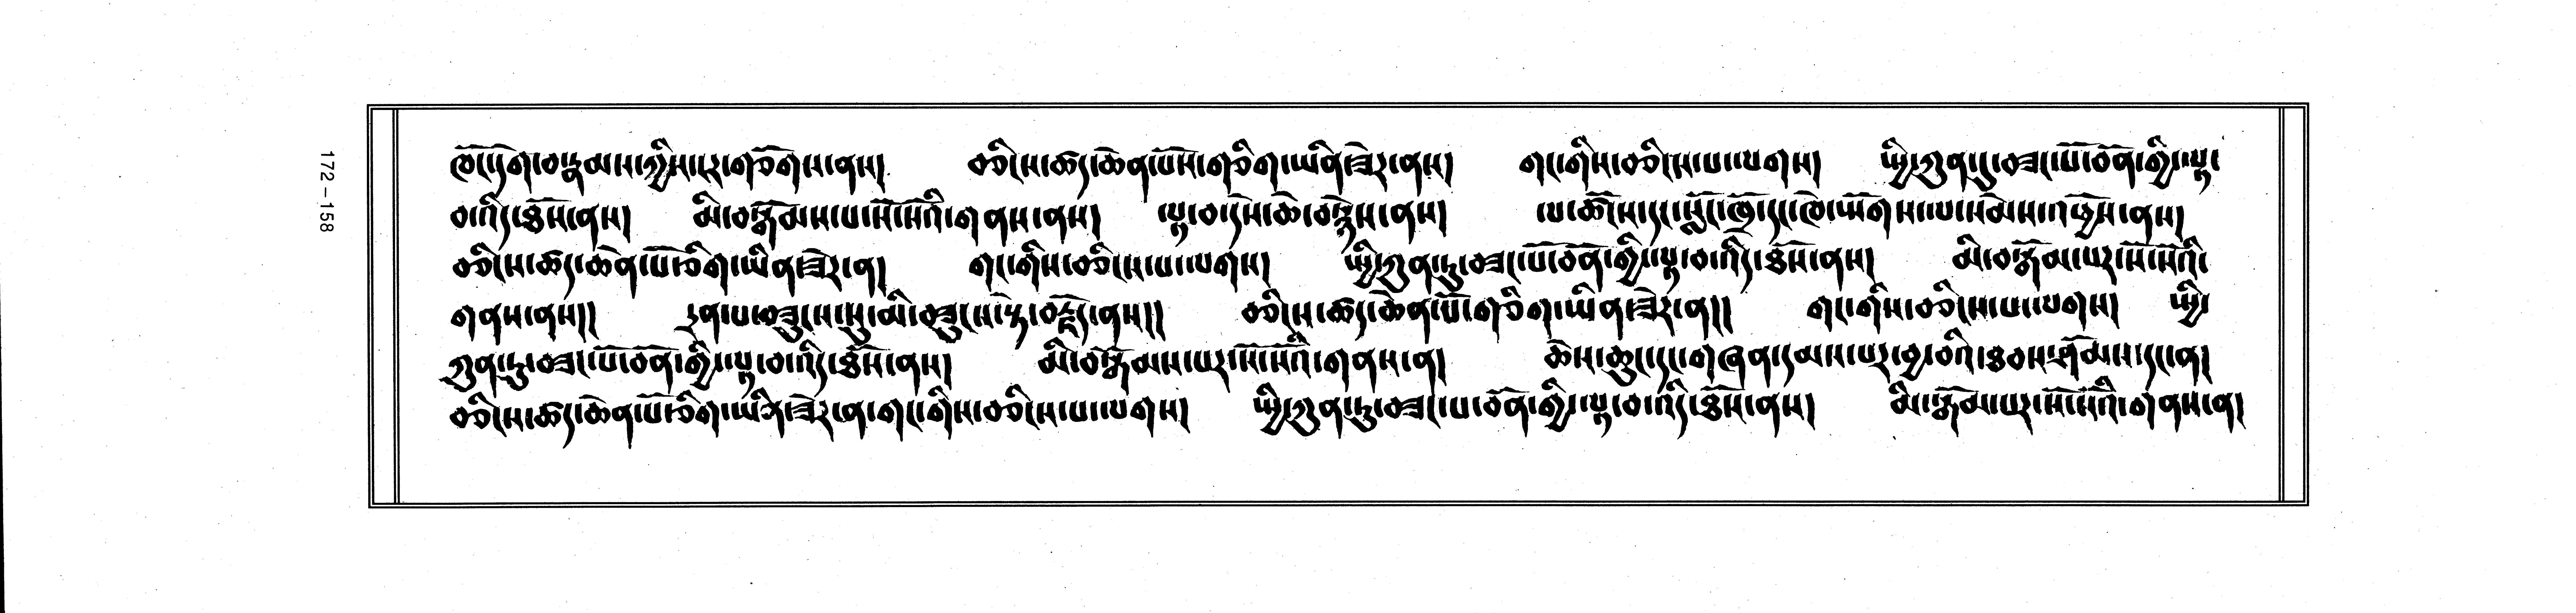ཁོང་དགེ་བ་རྣམས་ཀྱིས་ངར་གཅོགས་ནས། བཅིངས་ཚད་ཆེན་པོས་གཅིག་ཡིན་ཟེར་ནས། གང་གིས་བཅིངས་པ་ལགས། སྤྱི་ཀུན་དུ་བཟང་པོ་བོན་གྱི་ལྟ་
བ་འདི་ཐོས་ནས། མི་བསྒོམས་པ་སོ་སོའི་གནས་ནས། ལྟ་བ་དེས་ཆེ་བསྙེས་ནས། ལ་ཚོངས་དང་སློང་ཁྲོ་དང་ཁེ་སྤོགས་ལ་སེམས་འཕྱོས་ནས། 
བཅིངས་ཚད་ཆེན་པོ་ཅིག་ཡིན་ཟེར་ན། གང་གིས་བཅིངས་པ་ལགས། སྤྱི་ཀུན་ཏུ་བཟང་པོ་བོན་གྱི་ལྟ་བ་འདི་ཐོས་ནས། མི་བསྒོམས་པར་སོ་སོའི་
གནས་ནས། དྲན་པ་བཟུངས་སུ་མི་བཟུངས་སྟེ་བརྗོད་ནས། བཅིངས་ཚད་ཆེན་པོ་གཅིག་ཡིན་ཟེར་ན། གང་གིས་བཅིངས་པ་ལགས། སྤྱི་
ཀུན་ཏུ་བཟང་པ་བོན་གྱི་ལྟ་བ་འདི་ཐོས་ནས། མི་བསྒོམས་པར་སོ་སོའི་གནས་ན། ཆེས་ཆུང་དང་གཞན་དམས་པར་བྱ་བའི་ཐབས་ཤོམས་དང་ན། 
བཅིངས་ཚད་ཆེན་པོ་ཅིག་ཡིན་ཟེར་ན་གང་གིས་བཅིངས་པ་ལགས། སྤྱི་ཀུན་ཏུ་བཟང་པོ་བོན་གྱི་ལྟ་བ་འདི་ཐོས་ནས། མི་བསྒོམས་པར་སོ་སོའི་གནས་ན། བརྟགས་ཅིང་བསྒོམ་མོ་བའི་